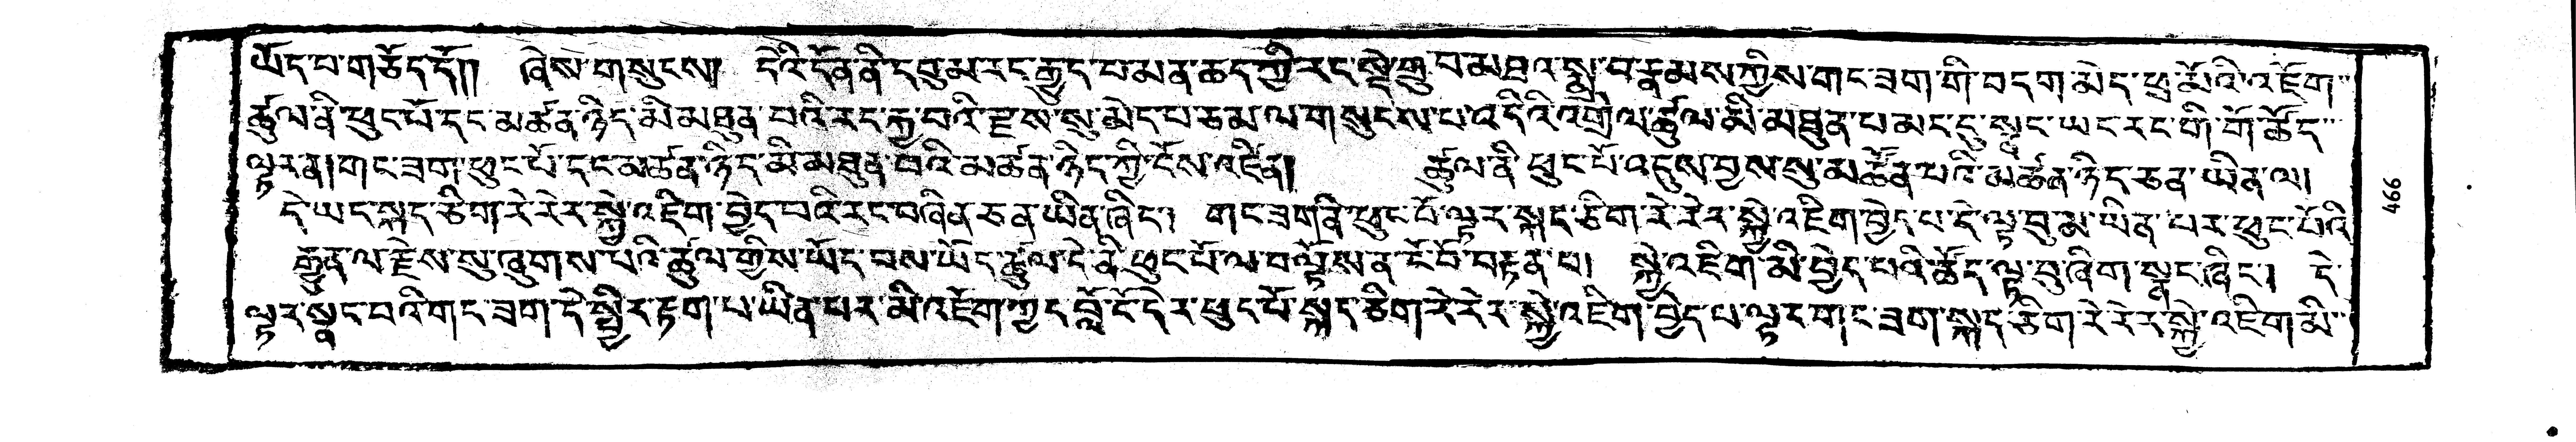ཡོད་པ་གཅོད་དོ། །ཞེས་གསུངས། དེའི་དོན་ནི་དབུ་མ་རང་རྒྱུད་པ་མན་ཆད་ཀྱི་རང་སྡེ་གྲུབ་མཐའ་སྨྲ་བ་རྣམས་ཀྱིས་གང་ཟག་གི་བདག་མེད་ཕྲ་མོའི་འཇོག་
ཚུལ་ནི་ཕུང་པོ་དང་མཚན་ཉིད་མི་མཐུན་པའི་རང་རྐྱ་བའི་རྫས་སུ་མེད་པ་ཙམ་ལ་གསུངས་པ་འདིའི་འགྲེལ་ཚུལ་མི་མཐུན་པ་མང་དུ་སྣང་ཡང་རང་གི་གོ་ཚོད་
ལྟར་ན། གང་ཟག་ཕུང་པོ་དང་མཚན་ཉིད་མི་མཐུན་པའི་མཚན་ཉིད་ཀྱི་ངོས་འཛིན། ཚུལ་ནི་ཕུང་པོ་འདུས་བྱས་སུ་མཚོན་པའི་མཚན་ཉིད་ཅན་ཡིན་ལ།
དེ་ཡང་སྐད་ཅིག་རེ་རེར་སྐྱེ་འཇིག་བྱེད་པའི་རང་བཞིན་ཅན་ཡིན་ཞིང་། གང་ཟག་ནི་ཕུང་པོ་ལྟར་སྐད་ཅིག་རེ་རེར་སྐྱེ་འཇིག་བྱེད་པ་དེ་ལྟར་བུ་མ་ཡིན་པར་ཕུང་པོའི་
རྒྱུན་ལ་རྗེས་སུ་ཞུགས་པའི་ཚུལ་གྱིས་ཡོད་པས་ཡོད་ཚུལ་དེ་ནི་ཕུང་པོ་ལ་བལྟོས་ན་ངོ་བོ་བརྟན་པ། སྐྱེ་འཇིག་མི་བྱེད་པའི་ཚོད་ལྟ་བུ་ཞིག་སྣང་ཞིང་། དེ་
ལྟར་སྣང་བའི་གང་ཟག་དེ་སྤྱིར་རྟག་པ་ཡིན་པར་མི་འཇོག་ཀྱང་བློ་ངོ་དེར་ཕུང་པོ་སྐད་ཅིག་རེ་རེར་སྐྱེ་འཇིག་བྱེད་པ་ལྟར་གང་ཟག་སྐད་ཅིག་རེ་རེར་སྐྱེ་འཇིག་མི་